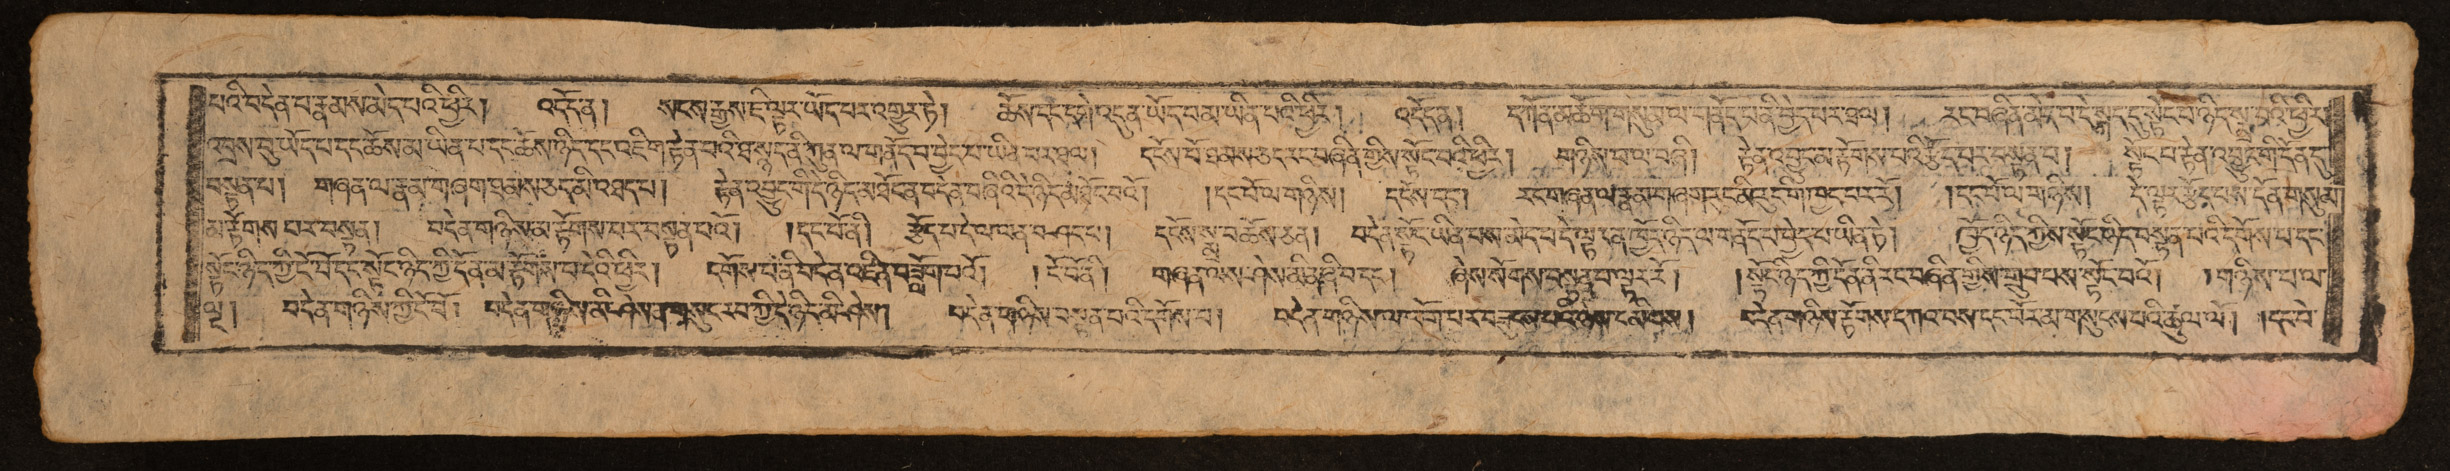པའི་བདེན་པ་རྣམས་མེད་པའི་ཕྱིར། འདོད་ན། སངས་རྒྱས་ཇི་ལྟར་ཡོད་པར་འགྱུར་ཏེ། ཆོས་དང་དགེ་འདུན་ཡོད་པ་མ་ཡིན་པའི་ཕྱིར། འདོད་ན། དཀོན་མཆོག་གསུམ་ལ་གནོད་པ་ནི་བྱེད་པར་ཐལ། རང་བཞིན་མེད་པ་དེ་སྐད་དུ་སྟོང་པ་ཉིད་སྨྲ་བའི་ཕྱིར་
འབྲས་བུ་ཡོད་པ་དང་ཆོས་མ་ཡིན་པ་དང་ཆོས་ཉིད་དང་འཇིག་རྟེན་པའི་ཐ་སྙད་ནི་ཀུན་ལ་གནོད་པ་བྱེད་པ་ཡིན་པར་ཐལ། དངོས་པོ་ཐམས་ཅད་རང་བཞིན་གྱིས་སྟོང་བའི་ཕྱིར། གཉིས་པ་ལ་བཞི། རྟེན་འབྱུང་མ་རྟོགས་པའི་རྩོད་པར་བསྟན་པ། སྟོང་པ་རྟེན་འབྱུང་གི་དོན་དུ་
བསྟན་པ། གཞན་ལ་རྣམ་གཞག་ཐམས་ཅད་མི་འཐད་པ། རྟེན་འབྱུང་གི་དེ་ཉིད་མཐོང་ན་བདེན་བཞིའི་དེ་ཉིད་མཐོང་བའོ། །དང་པོ་ལ་གཉིས། དངོས་དང་། རང་གཞན་ལ་རྣམ་གཞག་རུང་མི་རུང་གི་ཁྱད་པར་རོ། །དང་པོ་ལ་གཉིས། དེ་ལྟར་རྩོད་པས་དོན་གསུམ་
མ་རྟོགས་པར་བསྟན། བདེན་གཉིས་མ་རྟོགས་པར་བསྟན་པའོ། །དང་པོ་ནི། རྩོད་པ་དེ་ལ་ལན་བཤད་པ། དངོས་སྨྲ་བ་ཆོས་ཅན། བདེན་སྟོང་ཡིན་པས་མེད་པ་དེ་ལྟར་ན་ཁྱོད་ཉིད་ལ་གནོད་པ་བྱེད་པ་ཡིན་ཏེ། ཁྱོད་ཉིད་ཀྱིས་སྟོང་ཉིད་བསྟན་པའི་དགོས་པ་དང་
སྟོང་ཉིད་ཀྱི་ངོ་བོ་དང་སྟོང་ཉིད་ཀྱི་དོན་མ་རྟོགས་པ་དེའི་ཕྱིར། དགོས་པ་ནི་བདེན་འཛིན་བཟློག་པའོ། །ངོ་བོ་ནི། གཞན་ལས་ཤེས་མིན་ཞི་བ་དང་། ཞེས་སོགས་བསྟན་པ་ལྟར་རོ། །སྟོང་ཉིད་ཀྱི་དོན་ནི་རང་བཞིན་གྱིས་གྲུབ་པས་སྟོང་བའོ། །གཉིས་པ་ལ་
ལྔ། བདེན་གཉིས་ཀྱི་ངོ་བོ། བདེན་གཉིས་མི་ཤེས་ན་གསུང་རབ་ཀྱི་དེ་ཉིད་མི་ཤེས། བདེན་གཉིས་བསྟན་པའི་དགོས་པ། བདེན་གཉིས་ལ་ལོག་པར་བཟུངས་པའི་ཉེས་དམིགས། བདེན་གཉིས་རྟོགས་དཀའ་བས་དང་པོར་མ་གསུངས་པའི་ཚུལ་ལོ། །དང་པོ་